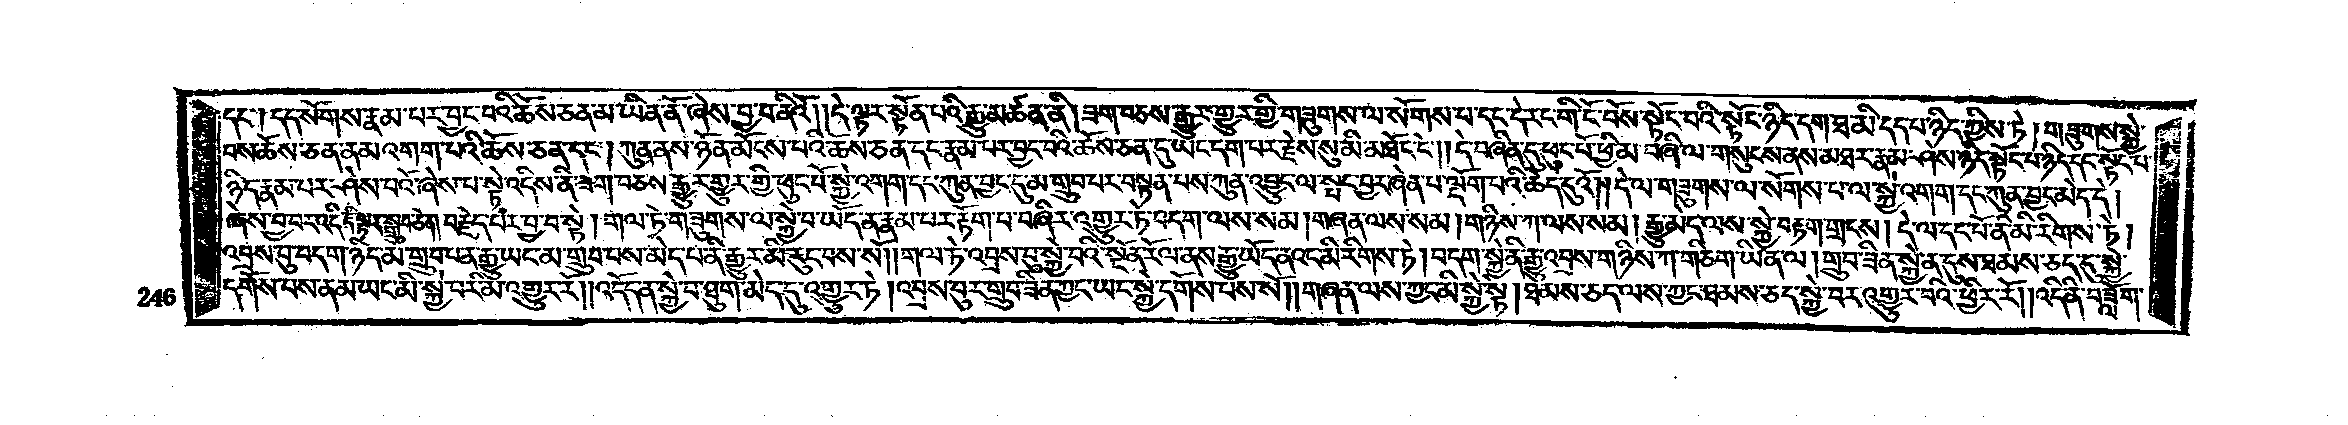དང་། དད་སོགས་རྣམ་པར་བྱང་བའི་ཆོས་ཅན་མ་ཡིན་ནོ་ཞེས་བྱ་བ་ནིའོ། །དེ་ལྟར་སྟོན་པའི་རྒྱུ་མཚན་ནི། ཟག་བཅས་རྒྱུར་གྱུར་གྱི་གཟུགས་ལ་སོགས་པ་དང་དེ་རང་གི་ངོ་བོས་སྟོང་པའི་སྟོང་ཉིད་དག་ཐ་མི་དད་པ་ཉིད་ཀྱིས་ཏེ། གཟུགས་སྐྱེ་
བས་ཆོས་ཅན་ནམ་འགག་པའི་ཆོས་ཅན་དང་། ཀུན་ནས་ཉོན་མོངས་པའི་ཆོས་ཅན་དང་རྣམ་པར་བྱང་བའི་ཆོས་ཅན་དུ་ཡང་དག་པར་རྗེས་སུ་མི་མཐོང་ངོ། །དེ་བཞིན་དུ་ཕུང་པོ་ཕྱི་མ་བཞི་ལ་གསུངས་ནས་མཐར་རྣམ་ཤེས་ཉིད་སྟོང་པ་ཉིད་དང་སྟོང་པ་
ཉིད་རྣམ་པར་ཤེས་པའོ་ཞེས་པ་སྟེ་འདིས་ནི་ཟག་བཅས་རྒྱུར་གྱུར་གྱི་ཕུང་པོ་སྐྱེ་འགག་དང་ཀུན་བྱང་དུ་མ་གྲུབ་པར་བསྟན་པས་ཀུན་འབྱུང་ལ་སྤང་བྱར་ཞེན་པ་ལྡོག་པའི་ཆེད་དུའོ། །དེ་ལ་གཟུགས་ལ་སོགས་པ་ལ་སྐྱེ་འགག་དང་ཀུན་བྱང་མེད་དེ།
ཞེས་བྱ་བར་འདི་ཇི་ལྟར་སྒྲུབ་ཅེ་ན། བརྗོད་པར་བྱ་བ་སྟེ། གལ་ཏེ་གཟུགས་ལ་སྐྱེ་བ་ཡོད་ན་རྣམ་པར་རྟོག་པ་བཞིར་འགྱུར་ཏེ་བདག་ལས་སམ། གཞན་ལས་སམ། གཉིས་ཀ་ལས་སམ། རྒྱུ་མེད་ལས་སྐྱེ་བརྟག་གྲངས། དེ་ལ་དང་པོ་ནི་མི་རིགས་ཏེ།
འབྲས་བུ་བདག་ཉིད་མ་གྲུབ་པ་ན་རྒྱུ་ཡང་མ་གྲུབ་པས་མེད་པ་ནི་རྒྱུར་མི་རུང་བས་སོ། །གལ་ཏེ་འབྲས་བུ་སྐྱེ་བའི་སྔོན་རོལ་ནས་རྒྱུ་ཡོད་ནའང་མི་རིགས་ཏེ། བདག་སྐྱེ་ནི་རྒྱུ་འབྲས་གཉིས་ཀ་གཅིག་ཡིན་ལ། གྲུབ་ཟིན་སྐྱེ་ན་དུས་ཐམས་ཅད་དུ་སྐྱེ་
དགོས་པས་ནམ་ཡང་མི་སྐྱེ་བར་མི་འགྱུར་རོ། །འདོད་ན་སྐྱེ་བ་ཐུག་མེད་དུ་འགྱུར་ཏེ། འབྲས་བུར་གྲུབ་ཟིན་ཀྱང་ཡང་སྐྱེ་དགོས་པས་སོ། །གཞན་ལས་ཀྱང་མི་སྐྱེ་སྟེ། ཐམས་ཅད་ལས་ཀྱང་ཐམས་ཅད་སྐྱེ་བར་འགྱུར་བའི་ཕྱིར་རོ། །འདི་ནི་བཟློག་